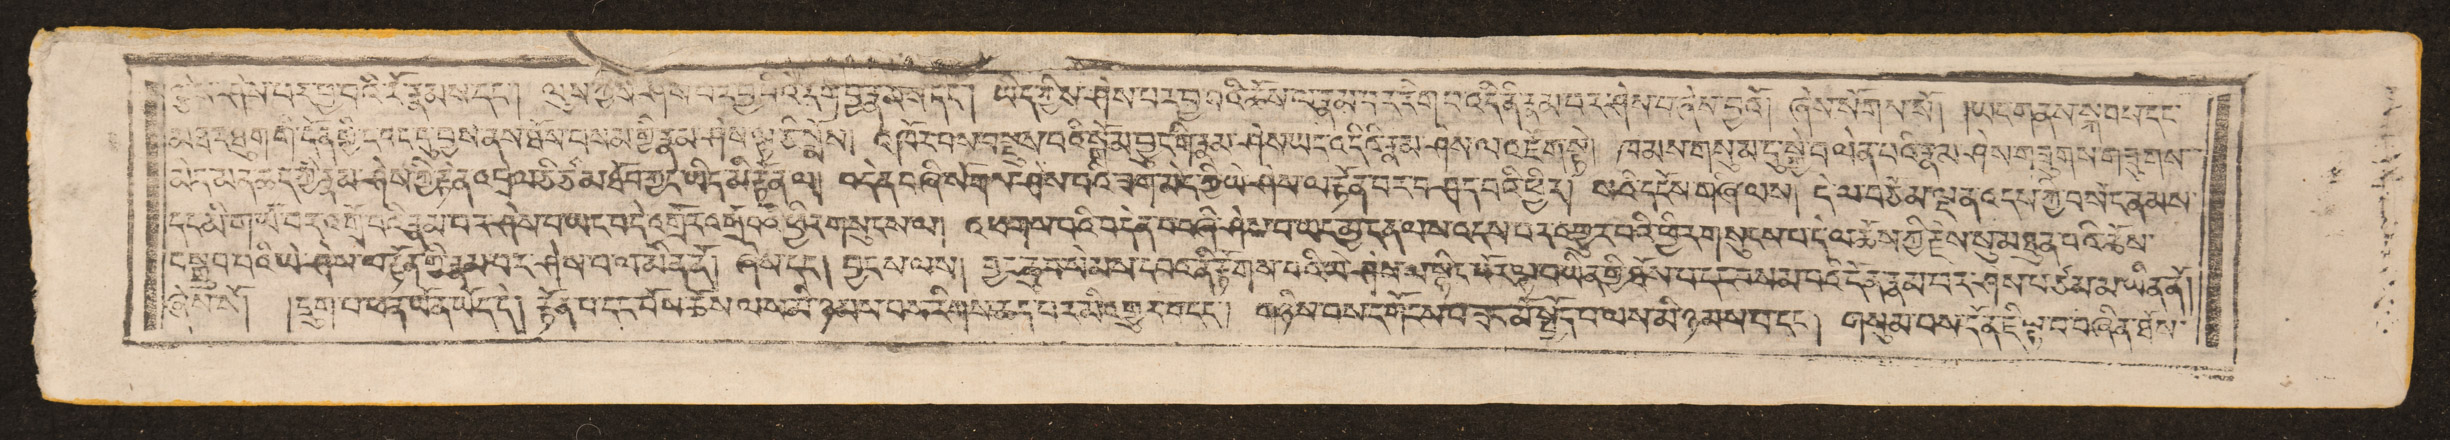ལྕེས་ཤེས་པར་བྱ་བའི་རོ་རྣམས་དང་། ལུས་ཀྱིས་ཤེས་པར་བྱ་བའི་རེག་བྱ་རྣམས་དང་། ཡིད་ཀྱིས་ཤེས་པར་བྱ་བའི་ཆོས་ལ་རྣམ་པར་རིག་པ་འདི་ནི་རྣམ་པར་ཤེས་པ་ཞེས་བྱའོ། ཞེས་སོགས་སོ། །ཡང་གནས་སྐབས་དང་
མཐར་ཐུག་གི་དོན་གྱི་དབང་དུ་བྱས་ནས་ཐོས་བསམ་གྱི་རྣམ་ཤེས་ལྟ་ཅི་སྨོས། འཁོར་བས་བསྡུས་བའི་སྒོམ་བྱུང་གི་རྣམ་ཤེས་ཡང་འདིའི་རྣམ་ཤེས་ལ་འཇོག་སྟེ། ཁམས་གསུམ་དུ་སྐྱེ་བ་ལེན་པའི་རྣམ་ཤེས་གཟུགས་གཟུགས་
མེད་མན་ཆད་ཀྱི་རྣམ་ཤེས་ཀྱི་རྟེན་འབྲེལ་ཅི་ཙམ་ཐོབ་ཀྱང་ཡིད་མི་རྟོན་ལ། བདེན་བཞི་སོགས་ཤེས་པའི་ཟག་?་མེད་ཀྱི་ཡེ་ཤེས་ལ་རྟོན་པར་བཤད་པའི་ཕྱིར། སའི་དངོས་གཞི་ལས། དེ་ལ་བཅོམ་ལྡན་འདས་ཀྱི་བསོད་ནམས་
དང་མིག་ཡོ་བར་འགྲོ་བའི་རྣམ་པར་ཤེས་པ་ཡང་བདེ་འགྲོར་འགྲོ་བའི་ཕྱིར་གསུངས་ལ། །འཕགས་པའི་བདེན་པ་བཞི་ཤེས་པ་ཡང་མྱ་ངན་ལས་འདས་པར་འགྱུར་པའི་ཕྱིར་གསུངས་འདི་ལ་ཆོས་ཀྱི་རྗེས་སུ་མཐུན་པའི་ཆོས་
བསྒྲུབ་པའི་ཡེ་ཤེས་ལ་རྟོན་གྱི་རྣམ་པར་ཤེས་པ་ལ་མིན་ནོ། ཞེས་དང་། བྱང་ས་ལས། བྱང་ཆུབ་སེམས་དཔའ་ནི་རྟོགས་པའི་ཡེ་ཤེས་ལ་སྙིང་པོར་ལྟ་བ་ཡིན་གྱི་ཐོས་པ་དང་བསམ་བའི་དོན་རྣམ་པར་ཤེས་བཙམ་མ་ཡིན་ནོ།
ཞེས་སོ། །དྲུག་པ་ཕན་ཡོན་ཡོད་དེ། རྟེན་བ་དང་པོས་ཆོས་ལས་མི་ཉམས་པས་རིགས་ཆད་པ་རིམ་འགྱུར་བ་དང་གཉིས་པས་དགོངས་པ་ཟང་མོ་སྤྱོད་པ་ལས་མི་ཉམས་པ་དང་། གསུམ་པས་དོན་ཇི་ལྟ་བ་བཞིན་ཐོས་